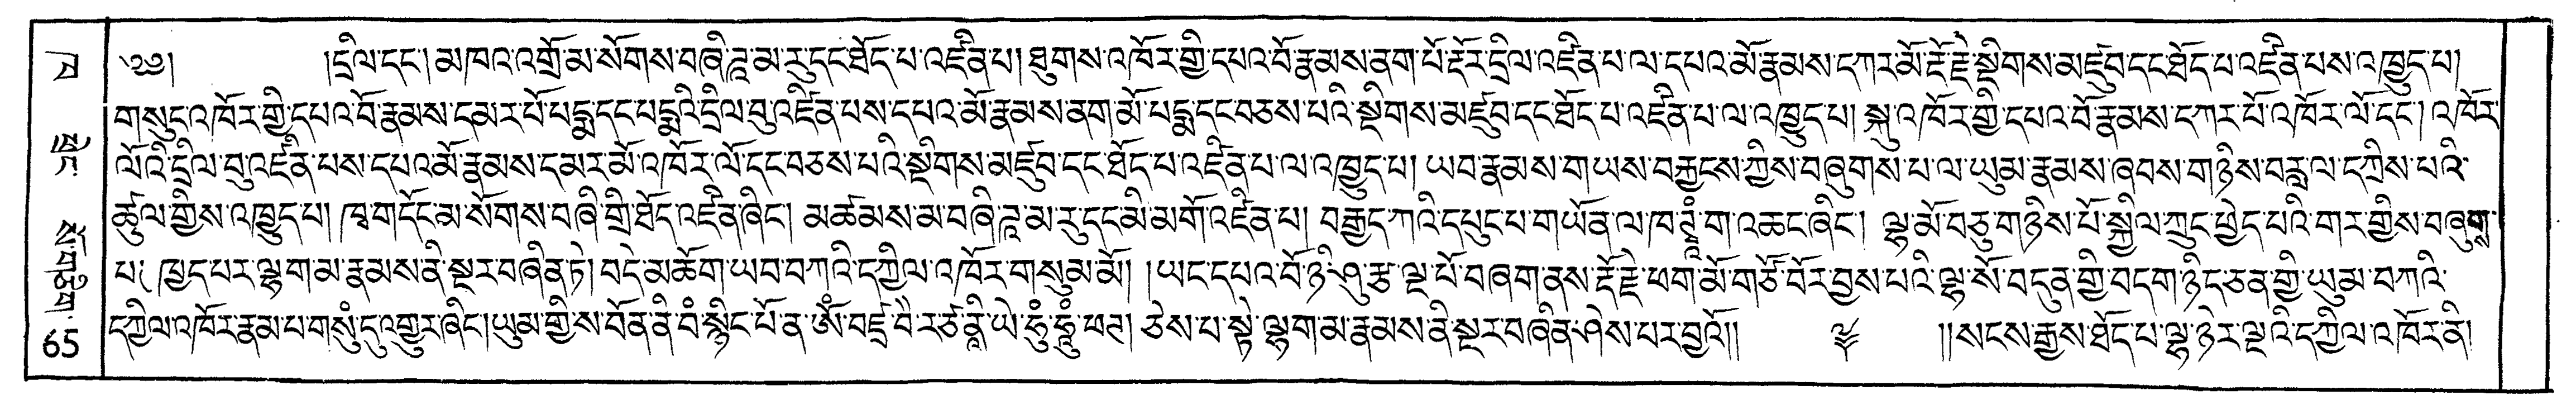༄༅། །དྲིལ་དང་། མཁའ་འགྲོ་མ་སོགས་བཞི་ཌཱ་མ་རུ་དང་ཐོད་པ་འཛིན་པ། ཐུགས་འཁོར་གྱི་དཔའ་བོ་རྣམས་ནག་པོ་རྡོར་དྲིལ་འཛིན་པ་ལ་དཔའ་མོ་རྣམས་དཀར་མོ་རྡོ་རྗེ་སྡིགས་མཛུབ་དང་ཐོད་པ་འཛིན་པས་འཁྱུད་པ།
གསུང་འཁོར་གྱི་དཔའ་བོ་རྣམས་དམར་པོ་པདམ་དང་པདམའི་དྲིལ་བུ་འཛིན་པས་དཔའ་མོ་རྣམས་ནག་མོ་པདམ་དང་བཅས་པའི་སྡིགས་མཛུབ་དང་ཐོད་པ་འཛིན་པ་ལ་འཁྱུད་པ། སྐུ་འཁོར་གྱི་དཔའ་བོ་རྣམས་དཀར་པོ་འཁོར་ལོ་དང་། འཁོར་
ལོའི་དྲིལ་བུ་འཛིན་པས་དཔའ་མོ་རྣམས་དམར་མོ་འཁོར་ལོ་དང་བཅས་པའི་སྡིགས་མཛུབ་དང་ཐོད་པ་འཛིན་པ་ལ་འཁྱུད་པ། ཡབ་རྣམས་གཡས་བརྐྱངས་ཀྱིས་བཞུགས་པ་ལ་ཡུམ་རྣམས་ཞབས་གཉིས་བརླ་ལ་དཀྲིས་པའི་
ཚུལ་གྱིས་འཁྱུད་པ། ཁྭ་གདོང་མ་སོགས་བཞི་གྲི་ཐོད་འཛིན་ཞིང་། མཚམས་མ་བཞི་ཌཱ་མ་རུ་དང་མི་མགོ་འཛིན་པ། བརྒྱད་ཀའི་དཔུང་པ་གཡོན་ལ་ཁ་ཊྭཱཾ་ག་འཆང་ཞིང་། ལྷ་མོ་བཅུ་གཉིས་པོ་སྐྱིལ་ཀྲུང་ཕྱེད་པའི་གར་གྱིས་བཞུགས་
པ། ཁྱད་པར་ལྷག་མ་རྣམས་ནི་སྔར་བཞིན་ཏེ། བདེ་མཆོག་ཡབ་བཀའི་དཀྱིལ་འཁོར་གསུམ་མོ། །ཡང་དཔའ་བོ་ཉི་ཤུ་རྩ་ལྔ་པོ་བཞག་ནས་རྡོ་རྗེ་ཕག་མོ་གཙོ་བོར་བྱས་པའི་ལྷ་སོ་བདུན་གྱི་བདག་ཉིད་ཅན་གྱི་ཡུམ་བཀའི་
དཀྱིལ་འཁོར་རྣམ་པ་གསུཾ་དུ་འགྱུར་ཞིང་། ཡུམ་གྱི་ས་བོན་ནི་བཾ་སྙིང་པོ་ན་ཨོཾ་བཛྲ་བཻ་ར་ཙ་ནཱི་ཡེ་ཧུཾ་ཧཱུཾ་ཕཊ། ཅེས་པ་སྟེ་ལྷག་མ་རྣམས་ནི་སྔར་བཞིན་ཤེས་པར་བྱའོ།། ༈ །།སངས་རྒྱས་ཐོད་པ་ལྷ་ཉེར་ལྔའི་དཀྱིལ་འཁོར་ནི།